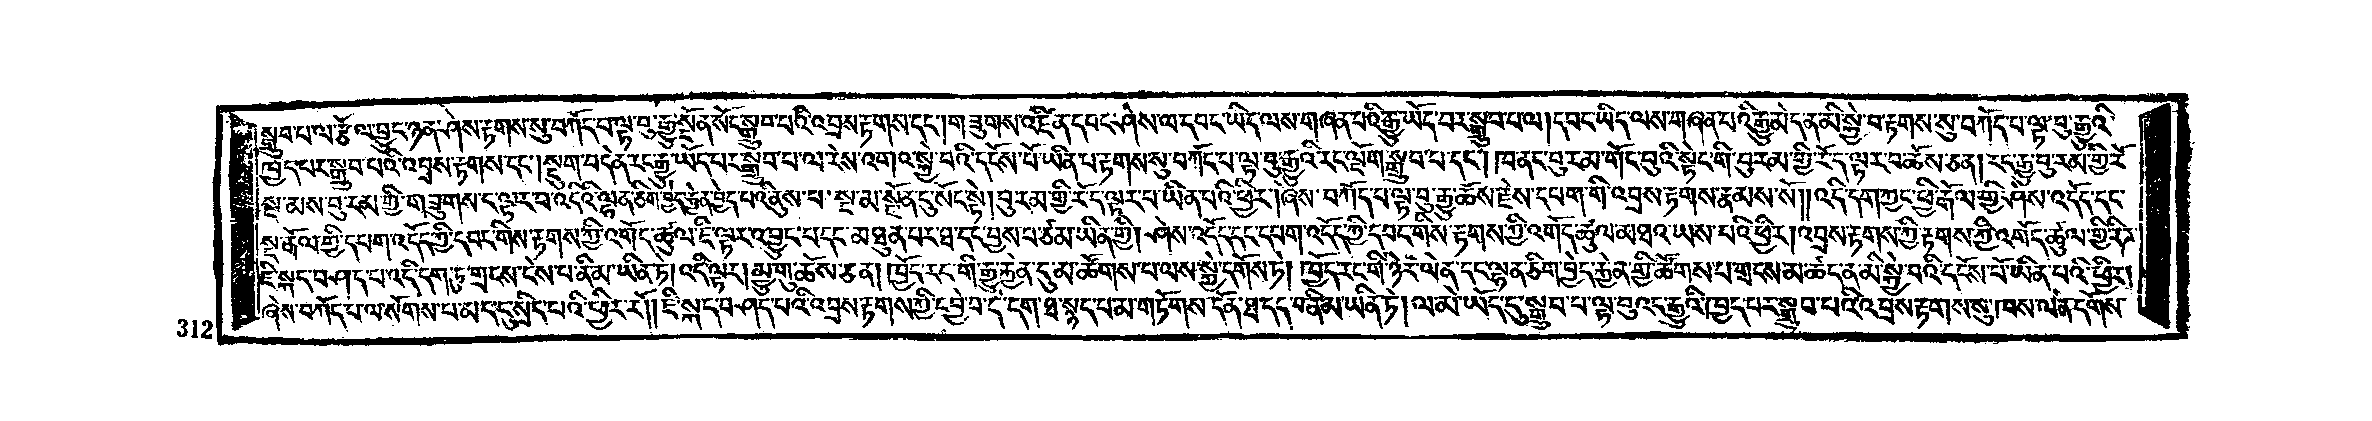སྒྲུབ་པ་ལ་རྩེ་ལ་བྱུང་ཉན་ཤེས་རྟགས་སུ་བཀོད་པ་ལྟ་བུ་རྒྱུ་སྔོན་སོང་སྒྲུབ་པའི་འབྲས་རྟགས་དང་། གཟུགས་འཛིན་དབང་ཤེས་ལ་དབང་ཡིད་ལས་གཞན་པའི་རྒྱུ་ཡོད་པར་སྒྲུབ་པ་ལ། དབང་ཡིད་ལས་གཞན་པའི་རྒྱུ་མེད་ན་མི་སྐྱེ་བ་རྟགས་སུ་བཀོད་པ་ལྟ་བུ་རྒྱུའི་
ཁྱད་པར་སྒྲུབ་པའི་འབྲས་རྟགས་དང་། སྡུག་བདེན་རང་རྒྱུ་ཡོད་པར་སྒྲུབ་པ་ལ་རེས་འགའ་སྐྱེ་བའི་དངོས་པོ་ཡིན་པ་རྟགས་སུ་བཀོད་པ་ལྟ་བུ་རྒྱུའི་རང་ལྡོག་སྒྲུབ་པ་དང་། ཁ་ནང་བུ་རམ་གོང་བུའི་སྟེང་གི་བུ་རམ་གྱི་རོ་ད་ལྟར་བ་ཆོས་ཅན། རང་རྒྱུ་བུ་རམ་གྱི་རོ་
སྔ་མས་བུ་རམ་གྱི་གཟུགས་ད་ལྟར་བ་འདིའི་ལྷན་ཅིག་བྱེད་རྐྱེན་བྱེད་པའི་ནུས་པ་སྔ་མ་སྔོན་དུ་སོང་སྟེ། བུ་རམ་གྱི་རོ་ད་ལྟར་བ་ཡིན་པའི་ཕྱིར། ཞེས་བཀོད་པ་ལྟ་བུ་རྒྱུ་ཆོས་རྗེས་དཔག་གི་འབྲས་རྟགས་རྣམས་སོ། །འདི་དག་ཀྱང་ཕྱི་རྒོལ་གྱི་ཤེས་འདོད་དང་
སྔ་རྒོལ་གྱི་དཔག་འདོད་ཀྱི་དབང་གིས་རྟགས་ཀྱི་འགོད་ཚུལ་ཇི་ལྟར་འབྱུང་བ་དང་མཐུན་པར་ཐ་དད་བྱས་པ་ཙམ་ཡིན་གྱི། ཤེས་འདོད་དང་དཔག་འདོད་ཀྱི་དབང་གིས་རྟགས་ཀྱི་འགོད་ཚུལ་མཐའ་ཡས་པའི་ཕྱིར། འབྲས་རྟགས་ཀྱི་རྟགས་ཀྱི་འགོད་ཚུལ་གྱི་རིཌ་
ཇི་སྐད་བཤད་པ་འདི་དག་ཏུ་གྲངས་ངེས་པ་ནི་མ་ཡིན་ཏེ། འདི་ལྟར། མྱུ་གུ་ཆོས་ཅན། ཁྱོད་རང་གི་རྒྱུ་རྐྱེན་དུ་མ་ཚོགས་པ་ལས་སྐྱེ་དགོས་ཏེ། ཁྱོད་རང་གི་ཉེར་ལེན་དང་ལྷན་ཅིག་བྱེད་རྐྱེན་གྱི་ཚོགས་པ་གྲངས་མ་ཚང་ན་མི་སྐྱེ་བའི་དངོས་པོ་ཡིན་པའི་ཕྱིར།
ཞེས་བཀོད་པ་ལ་སོགས་པ་མང་དུ་སྲིད་པའི་ཕྱིར་རོ། །ཇི་སྐད་བཤད་པའི་འབྲས་རྟགས་ཀྱི་དབྱེ་བ་དེ་དག་ཐ་སྙད་པ་མ་གཏོགས་དོན་ཐ་དད་པ་ནི་མ་ཡིན་ཏེ། ལ་མེ་ཡོད་དུ་སྒྲུབ་པ་ལྟ་བུའང་རྒྱུའི་ཁྱད་པར་སྒྲུབ་པའི་འབྲས་རྟགས་སུ་ཁས་ལེན་དགོས་